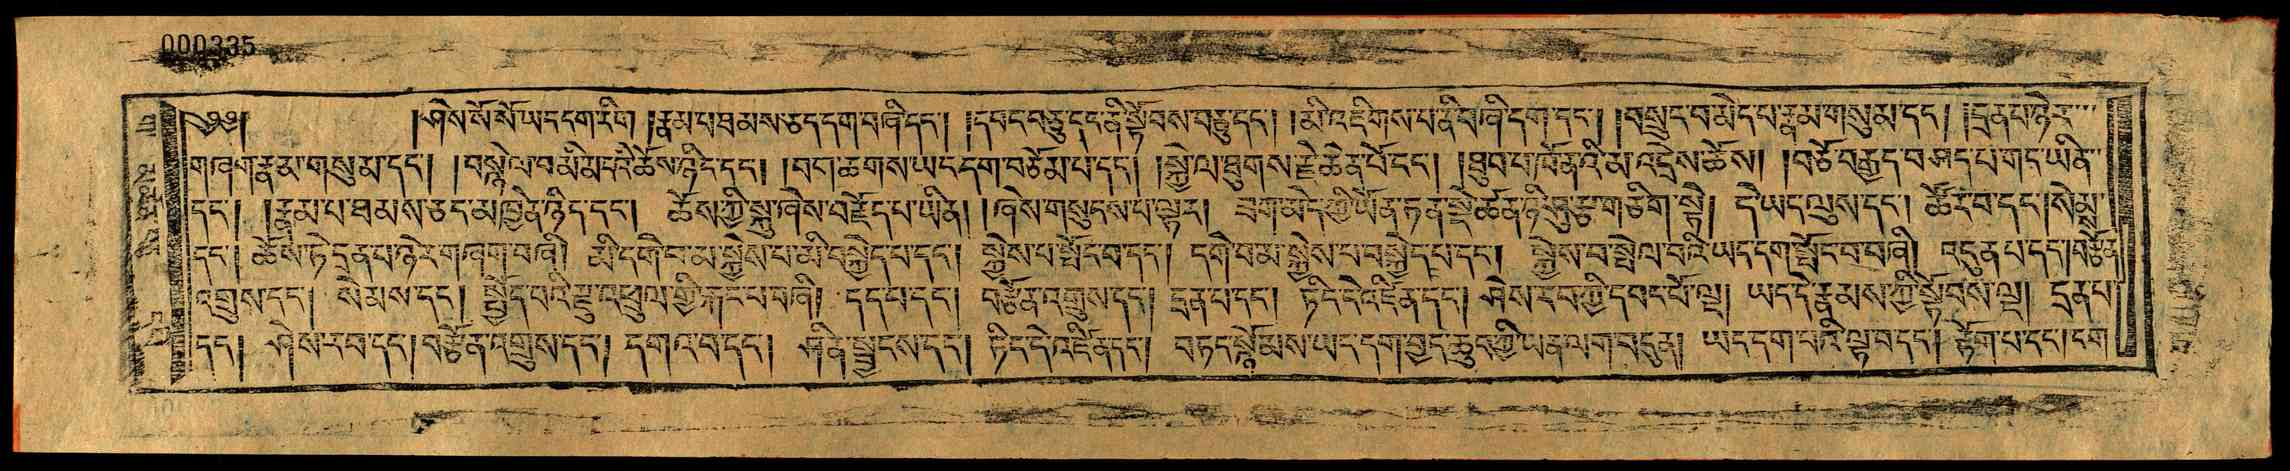༄༅། །ཤེས་སོ་སོ་ཡང་དག་རིག །རྣམ་པ་ཐམས་ཅད་དག་བཞི་དང་། །དབང་བཅུ་དང་ནི་སྟོབས་བཅུ་དང་། མི་འཇིགས་པ་ནི་བཞི་དག་དང་། །བསྲུང་བ་མེད་པ་རྣམ་གསུམ་དང་། །དྲན་པ་ཉེར་
གཞག་རྣམ་གསུམ་དང་། །བསྙེལ་བ་མི་མངའི་ཆོས་ཉིད་དང་། །བག་ཆགས་ཡང་དག་བཅོམ་པ་དང་། །སྐྱེ་ལ་ཐུགས་རྗེ་ཆེན་པོ་དང་། །ཐུབ་པ་ཁོ་ནའི་མ་འདྲེས་ཆོས། །བཅོ་བརྒྱད་བཤད་པ་གང་ཡིན་
དང་། །རྣམ་པ་ཐམས་ཅད་མཁྱེན་ཉིད་དང་། ཆོས་ཀྱི་སྐུ་ཞེས་བརྗོད་པ་ཡིན། །ཞེས་གསུངས་པ་ལྟར། ཟག་མེད་ཀྱི་ཡོན་ཏན་སྡེ་ཚན་ཉི་ཤུ་རྩ་གཅིག་སྟེ། དེ་ཡང་ལུས་དང་། ཚོར་བ་དང་། སེམས་
དང་། ཚེས་ཏེ་དྲན་པ་ཉེར་གཞག་བཞི། མི་དགེ་བ་མ་སྐྱེས་པ་མི་བསྐྱེད་པ་དང་། སྐྱེས་པ་སྤོང་བ་དང་། དགེ་བ་མ་སྐྱེས་པ་བསྐྱེད་པ་དང་། སྐྱེས་པ་སྤེལ་བའི་ཡང་དག་སྤོང་བ་བཞི། འདུན་པ་དང་། བརྩོན་
འགྲུས་དང་། སེམས་དང་། སྤྱོད་པའི་རྫུ་འཕྲུལ་གྱི་རྐང་པ་བཞི། དད་པ་དང་། བརྩོན་འགྲུས་དང་། དྲན་པ་དང་། ཏིང་ངེ་འཛིན་དང་། ཤེས་རབ་ཀྱི་དབང་པོ་ལྔ། ཡང་དེ་རྣམས་ཀྱི་སྟོབས་ལྔ། དྲན་པ་
དང་། ཤེས་རབ་དང་། བརྩོན་འགྲུས་དང་། དགའ་བ་དང་། དགའ་བ་དང་། ཤིན་སྦྱངས་དང་། ཏིང་ངེ་འཛིན་དང་། བཏང་སྙོམས་ཡང་དག་བྱང་ཆུབ་ཀྱི་ཡན་ལག་བདུན། ཡང་དག་པའི་ལྟ་བ་དང་། རྟོག་པ་དང་། དག་